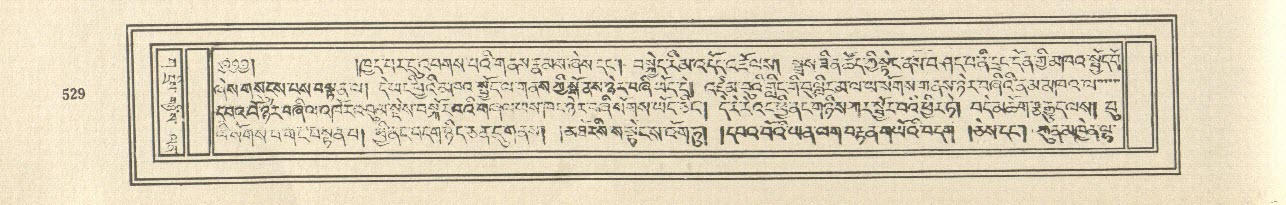༄༅༅། །ཁྱད་པར་དུ་འཕགས་པའི་གནས་རྣམས་ཞེས་དང་། བསྐྱེད་རིམ་འདོད་འཇོ་ལས། སྒྲས་ཟིན་ཚོད་ཀྱི་སྟེང་ནས་བཤད་པ་ནི་དྲང་དོན་གྱི་མཁའ་སྤྱོད་དོ།
ཞེས་གསུངས་པས་བསྟན་ལ། དེ་ཡང་ཕྱིའི་མཁའ་སྤྱོད་ལ་གནས་ཀྱི་སྒོ་ནས་ཉེར་བཞི་ཡོད་དེ། འཛམ་བུའི་གླིང་གི་བུ་ལླིར་མ་ལ་ཡ་སོགས་གནས་ཉེར་བཞིའི་ནམ་མཁའ་ལ་
དཔའ་བོ་ཉེར་བཞི་ལ་འཁོར་འབུམ་སྡེས་བསྐོར་བའི་གཞལ་ཡས་ཁང་ཉེར་བཞི་སོགས་ཡོད་ཅིང་། དེ་རེ་རེའང་ཕྱི་ནང་གཉིས་ཀར་སྦྱོར་བའི་ཕྱིར་ཏེ། བདེ་མཆོག་རྩ་རྒྱུད་ལས། བུ་
ལི་སོགས་པ་གང་བསྟན་པ། ཕྱི་ནང་བདག་ཉིད་ཅན་དུ་གནས། །མཐོ་རིས་ས་སྟེང་ས་འོག་ཏུ། །དཔའ་བོའི་ཡན་ལག་བརྟན་གཡོའི་བདག །ཅེས་དང་། ཀུན་མཁྱེན་ལྷ་